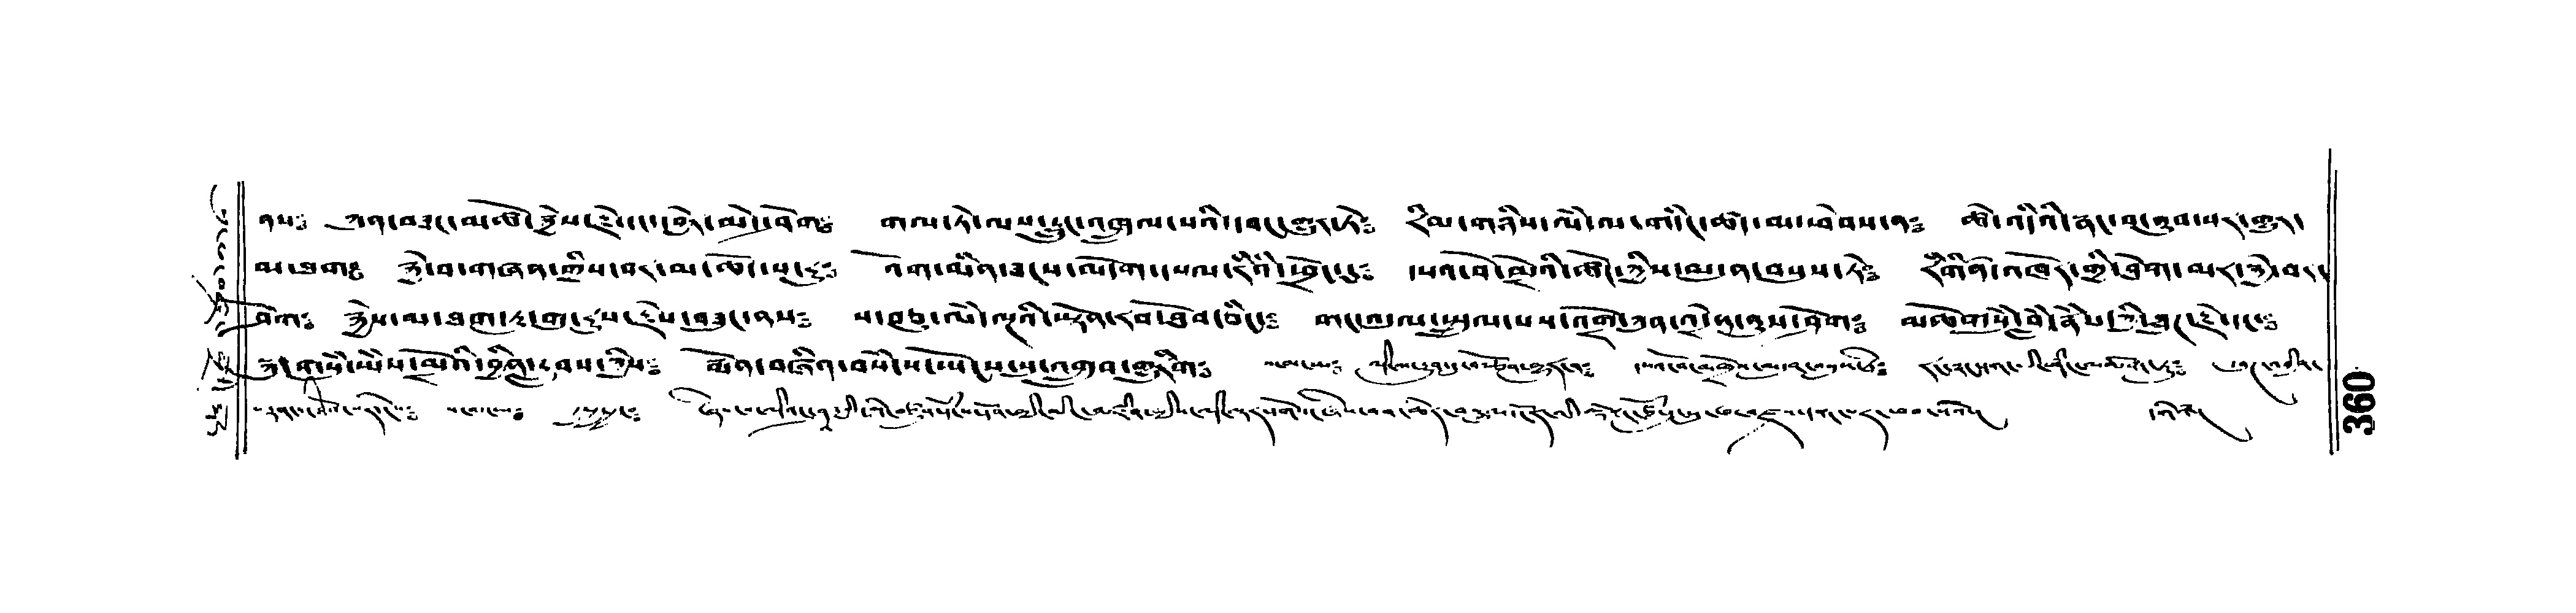ནས༔ ཀུན་བཟང་མཚོ་སྐྱེས་རྗེ་དང་དབྱེར་མེད་ཤོག༔ གལ་ཏེ་ལས་རླུང་འཁྲུལ་པའི་དབང་གྱུར་ཏེ༔ རིམ་གཉིས་ལམ་ལ་གདིང་ཚད་མ་ཕེབས་ན༔ ཚེ་འདིའི་སྣང་བ་ནུབ་པར་གྱུར་
མ་ཐག༔ སྐྱེ་བ་གཞན་གྱིས་བར་མ་ཆོད་པ་རུ༔ འོག་མིན་ཟངས་མདོག་དཔལ་རིའི་ཕོ་བྲང་དུ༔ དཔའ་བོ་མཁའ་འགྲོའི་ཚོགས་ཀྱིས་མདུན་བསུས་ཏེ༔ རིག་འཛིན་འཁོར་གྱི་ཐོག་མར་སྐྱེ་བར་
ཤོག༔ སྐྱེས་མ་ཐག་ཏུ་གུ་རུས་རྗེས་བཟུང་ནས༔ ས་བཅུ་ལམ་ལྔའི་ཡོན་ཏན་ཐོབ་ཅིང༔ གང་འདུལ་སྤྲུལ་པས་འགྲོ་ཀུན་འདྲེན་ནུས་ཤོག༔ མཆོག་གསུམ་བླ་མ་རྣམས་ཀྱི་ཐུགས་རྗེ་དང༔ 
སྐུ་གསུམ་ཡེ་ཤེས་མཁའ་འགྲོའི་བྱིན་རླབས་ཀྱིས༔ སྨོན་བཞིན་བསམ་པ་ཡོངས་སུ་འགྲུབ་གྱུར་ཅིག༔ ས་མ་ཡ༔ འདི་ལ་རྒྱུན་དུ་བརྩོན་གྱུར་ན༔དཔའ་བོ་མཁའ་འགྲོས་མདུན་བསུས་ཏེ༔ རང་སྣང་དག་པའི་ཞིང་མཆོག་ཏུ༔ དབུགས་འབྱིན་
བརྟན་པ་ཐོབ་པར་ངེས༔ ས་མ་ཡ༔ རྒྱ་རྒྱ་རྒྱ༔ ཞེས་པ་འདིའང་ཤཱཀྱའི་དགེ་བཙུན་དམ་པ་དོན་གྱི་མིང་འཛིན་གྱིས་འདི་ལྟར་དགོས་ཞེས་ནན་ཆེར་བསྐུལ་ངོ་མ་ལྡོག་ཙམ་དུ་སུ་ཁ་བཛྲས་དག་པར་ཕབ་པའོ།། དགེའོ།།